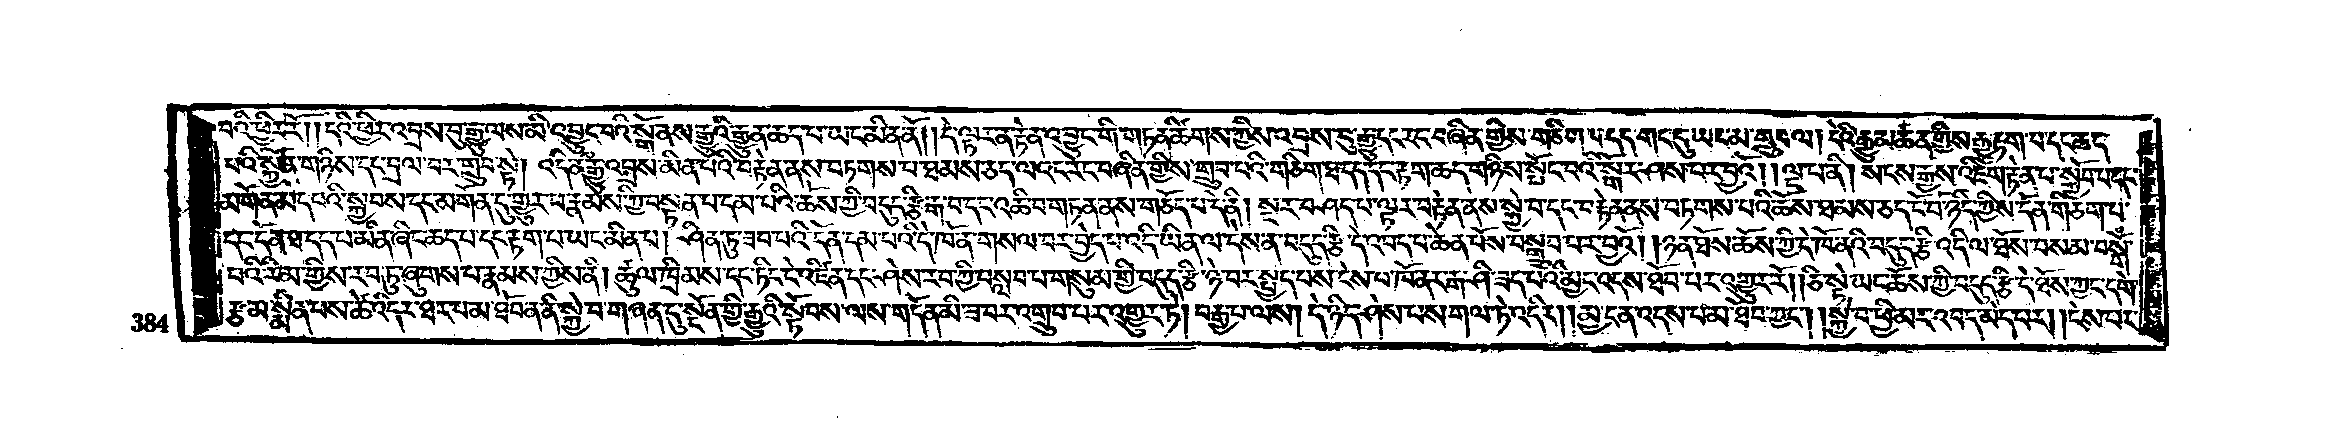པའི་ཕྱིར་རོ། །དེའི་ཕྱིར་འབྲས་བུ་རྒྱུ་ལས་མི་འབྱུང་བའི་སྒོ་ནས་རྒྱུའི་རྒྱུན་ཆད་པ་ཡང་མིན་ནོ། །དེ་ལྟར་ན་རྟེན་འབྱུང་གི་གཏན་ཚིགས་ཀྱིས་འབྲས་བུ་རྒྱུ་དང་རང་བཞིན་གྱིས་གཅིག་ཐ་དད་གང་དུ་ཡང་མ་གྲུབ་ལ། དེའི་རྒྱུ་མཚན་གྱིས་རྒྱུ་རྟག་པ་དང་ཆད་
པའི་སྐྱོན་གཉིས་དང་བྲལ་བར་གྲུབ་སྟེ། འདི་ནི་རྒྱུ་འབྲས་མིན་པའི་བརྟེན་ནས་བཏགས་པ་ཐམས་ཅད་ལའང་རང་བཞིན་གྱིས་གྲུབ་པའི་གཅིག་ཐ་དད་དང་རྟག་ཆད་གཉིས་སྤོང་བའི་སྒོར་ཤེས་པར་བྱའོ། །ལྔ་པ་ནི། སངས་རྒྱས་འཇིག་རྟེན་པ་སྐྱོབ་པ་དང་
མགོན་མེད་པའི་སྐྱབས་དང་མགོན་དུ་གྱུར་པ་རྣམས་ཀྱི་བསྟན་པ་དམ་པའི་ཆོས་ཀྱི་བདུད་རྩི་རྒ་བ་དང་འཆི་བ་གཏན་ནས་གཅོད་པ་དེ་ནི། སྔར་བཤད་པ་ལྟར་བརྟེན་ནས་སྐྱེ་བ་དང་བརྟེན་ནས་བཏགས་པའི་ཆོས་ཐམས་ཅད་ངོ་བོ་ཉིད་ཀྱིས་དོན་གཅིག་པ་
དང་དོན་ཐ་དད་པ་མིན་ཞིང་ཆད་པ་དང་རྟག་པ་ཡང་མིན་པ། ཤིན་ཏུ་ཟབ་པའི་དོན་དམ་པའི་དེ་ཁོ་ན་གསལ་བར་བྱེད་པ་འདི་ཡིན་ལ་དེས་ན་བདུད་རྩི་དེ་འབད་པ་ཆེན་པོས་བསྒྲུབ་པར་བྱའོ། །ཉན་ཐོས་ཆོས་ཀྱི་དེ་ཁོ་ནའི་བདུད་རྩི་འདི་ལ་ཐོས་བསམ་བསྒོཾ་
པའི་རིམ་གྱིས་རབ་ཏུ་ཞུགས་པ་རྣམས་ཀྱིས་ནི། ཚུལ་ཁྲིམས་དང་ཏིང་ངེ་འཛིན་དང་ཤེས་རབ་ཀྱི་བསླབ་པ་གསུམ་གྱི་བདུད་རྩི་ཉེ་བར་སྤྱད་པས་ངེས་པ་ཁོ་ནར་རྒ་ཤི་ཟད་པའི་མྱང་འདས་ཐོབ་པར་འགྱུར་རོ། །ཅི་སྟེ་ཡང་ཆོས་ཀྱི་བདུད་རྩི་དེ་ཐོས་ཀྱང་དགེ་
རྩམ་སྨིན་པས་ཚེ་འདིར་ཐར་པ་མ་ཐེབ་ན་ནི་སྐྱེ་བ་གཞན་དུ་སྔོན་གྱི་རྒྱུའི་སྟེབས་ལས་གདོན་མི་ཟ་བར་འགྲུབ་པར་འགྱུར་ཏེ། བརྒྱ་པ་ལས། དེ་ཉིད་ཤེས་པས་གལ་ཏེ་འདིར། །མྱ་ངན་འདས་པ་མ་ཐོབ་ཀྱང་། །སྐྱེ་བ་ཕྱི་མར་འབད་མེད་པར། །ངེས་པར་